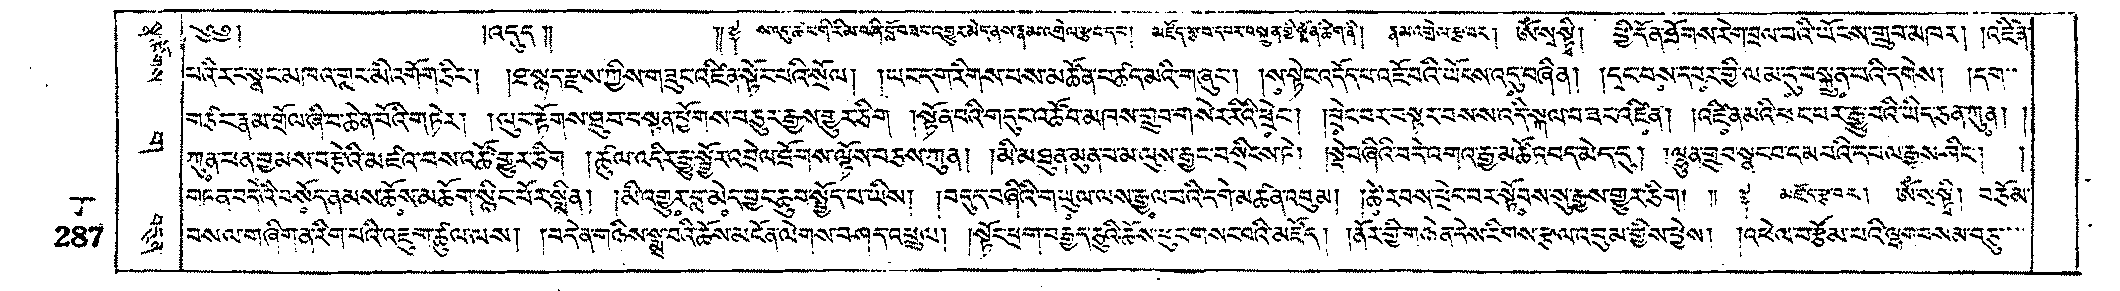༄༅། །འདུད།། །།འ་ས་འདུ་ཚང་གི་རིམ་བཞི་བློ་བཟང་འགྱུར་མེད་ནས་རྣམ་འགྲེལ་རྩ་བ་དང་། མཛོད་རྩ་བ་དཔར་བསྐྲུན་གྱི་སྨོན་ཚིག་ནི། རྣམ་འགྲེལ་རྩ་བར།  ཨོཾ་སྭསྟྭི། ཕྱི་དོན་ཐོགས་རིག་བྲལ་བའི་ཡོངས་གྲུབ་མཁར། །འཛིན་
པའི་རང་སྣང་མཁའ་གླང་མི་འགོག་ཅིང་། །ཐ་སྙད་རྫས་ཀྱིས་གཟུང་འཛིན་སྟོང་པའི་སྲོལ། །ཡང་དག་རིགས་པས་མཚོན་པ་ཚད་མའི་གཞུང་། །ས྾་སྟེང་འདོད་པ་འཇོ་བའི་ཡོངས་འདུ྾་བཞིན། །དྭང་བས྾་དཔར྾་གྱི་ལམ་དུ་བསྐྲུན྾་པའི་དགེས། །དག་་་
གཙང་རྣམ་གྲོལ་ཞི་བ་ཆེན་པོའི་གཏེར། །ལུང་རྟོགས་ཐུབ་བསྟན་ཕྱོགས་བཅུར་རྒྱས་གྱུར་ཅིག །སྟོན་པའི་གདུང་འཚོབ་མཁས་གྲུབ་གསེར་རིའི་ཕྲེང྾། །ཕྲེང྾་བར་བསྟར་བས་ས་འདི་སྐལ་བཟང་འཛིན྾། །འཛིན྾་མའི་ཕང་པར་རྒྱུ་བའི་ཡིད་ཅན་ཀུན྾། །
ཀུན྾་ཕན་བྱམས་བརྩེའི་མཛའ་བས་འཚོ་གྱུར་ཅིག །ཚུལ་འདིར་རྒྱུ་སྦྱོར་འབྲེལ་ཐོགས་ལྟོས་བཅས་ཀུན། །མི་མཐུན་མུན་པ་མ་ལུས་རྒྱང་བསྲིངས་ཏེ། །སྡེ་བཞིའི་བདེ་འགའ་རྒྱ་མཚོ་འབད་མེད་དུ། །ལྷུན་གྲུབ་སྣང་བ་དམ་པའི་དཔལ་རྒྱས་ཤིང་། །
གཏན་བདེའི་བསོད྾་ནམས་ཆོས྾་མཆོག་སྙིང་པོར་སྨིན། །མི་འགྱུར྾་བླ་མེད྾་བྱང་ཆུབ་སྤྱོད་པ་ཡིས། །བདུད་བཞིའི་གཡུལ྾་ལས་རྒྱལ྾་བའི་དགེ་མཚན་འབུམ། །ཚེ྾་རབས་ཕྲེང་བར་སྟོབས྾་སུ་རྒྱས་གྱུར་ཅིག། །། འ་མཛོད་རྩ་བར།  ཨོཾ་སྭསྟྭི། བཅོམ་
བསལ་གཞིག་ན་རིག་པའི་འཇུག་ཚུལ་ལས། །བདེན་གཉིས་སྨྲ་བའི་ཆོས་མངོན་ལེགས་བཤད་འཕྲུལ། །སྟོང་ཕྲག་བརྒྱད་ཅུའི་ཆོས་ཕུང་གསང་བའི་མཛོད། །ནོར་གྱི་གཉེན་དེས་རིགས་རྩལ་འབུམ་གྱིས་ཕྱེས། །འཕེལ་བ་རྩོམ་པའི་ལྷག་བསམ་བཅུ་་་